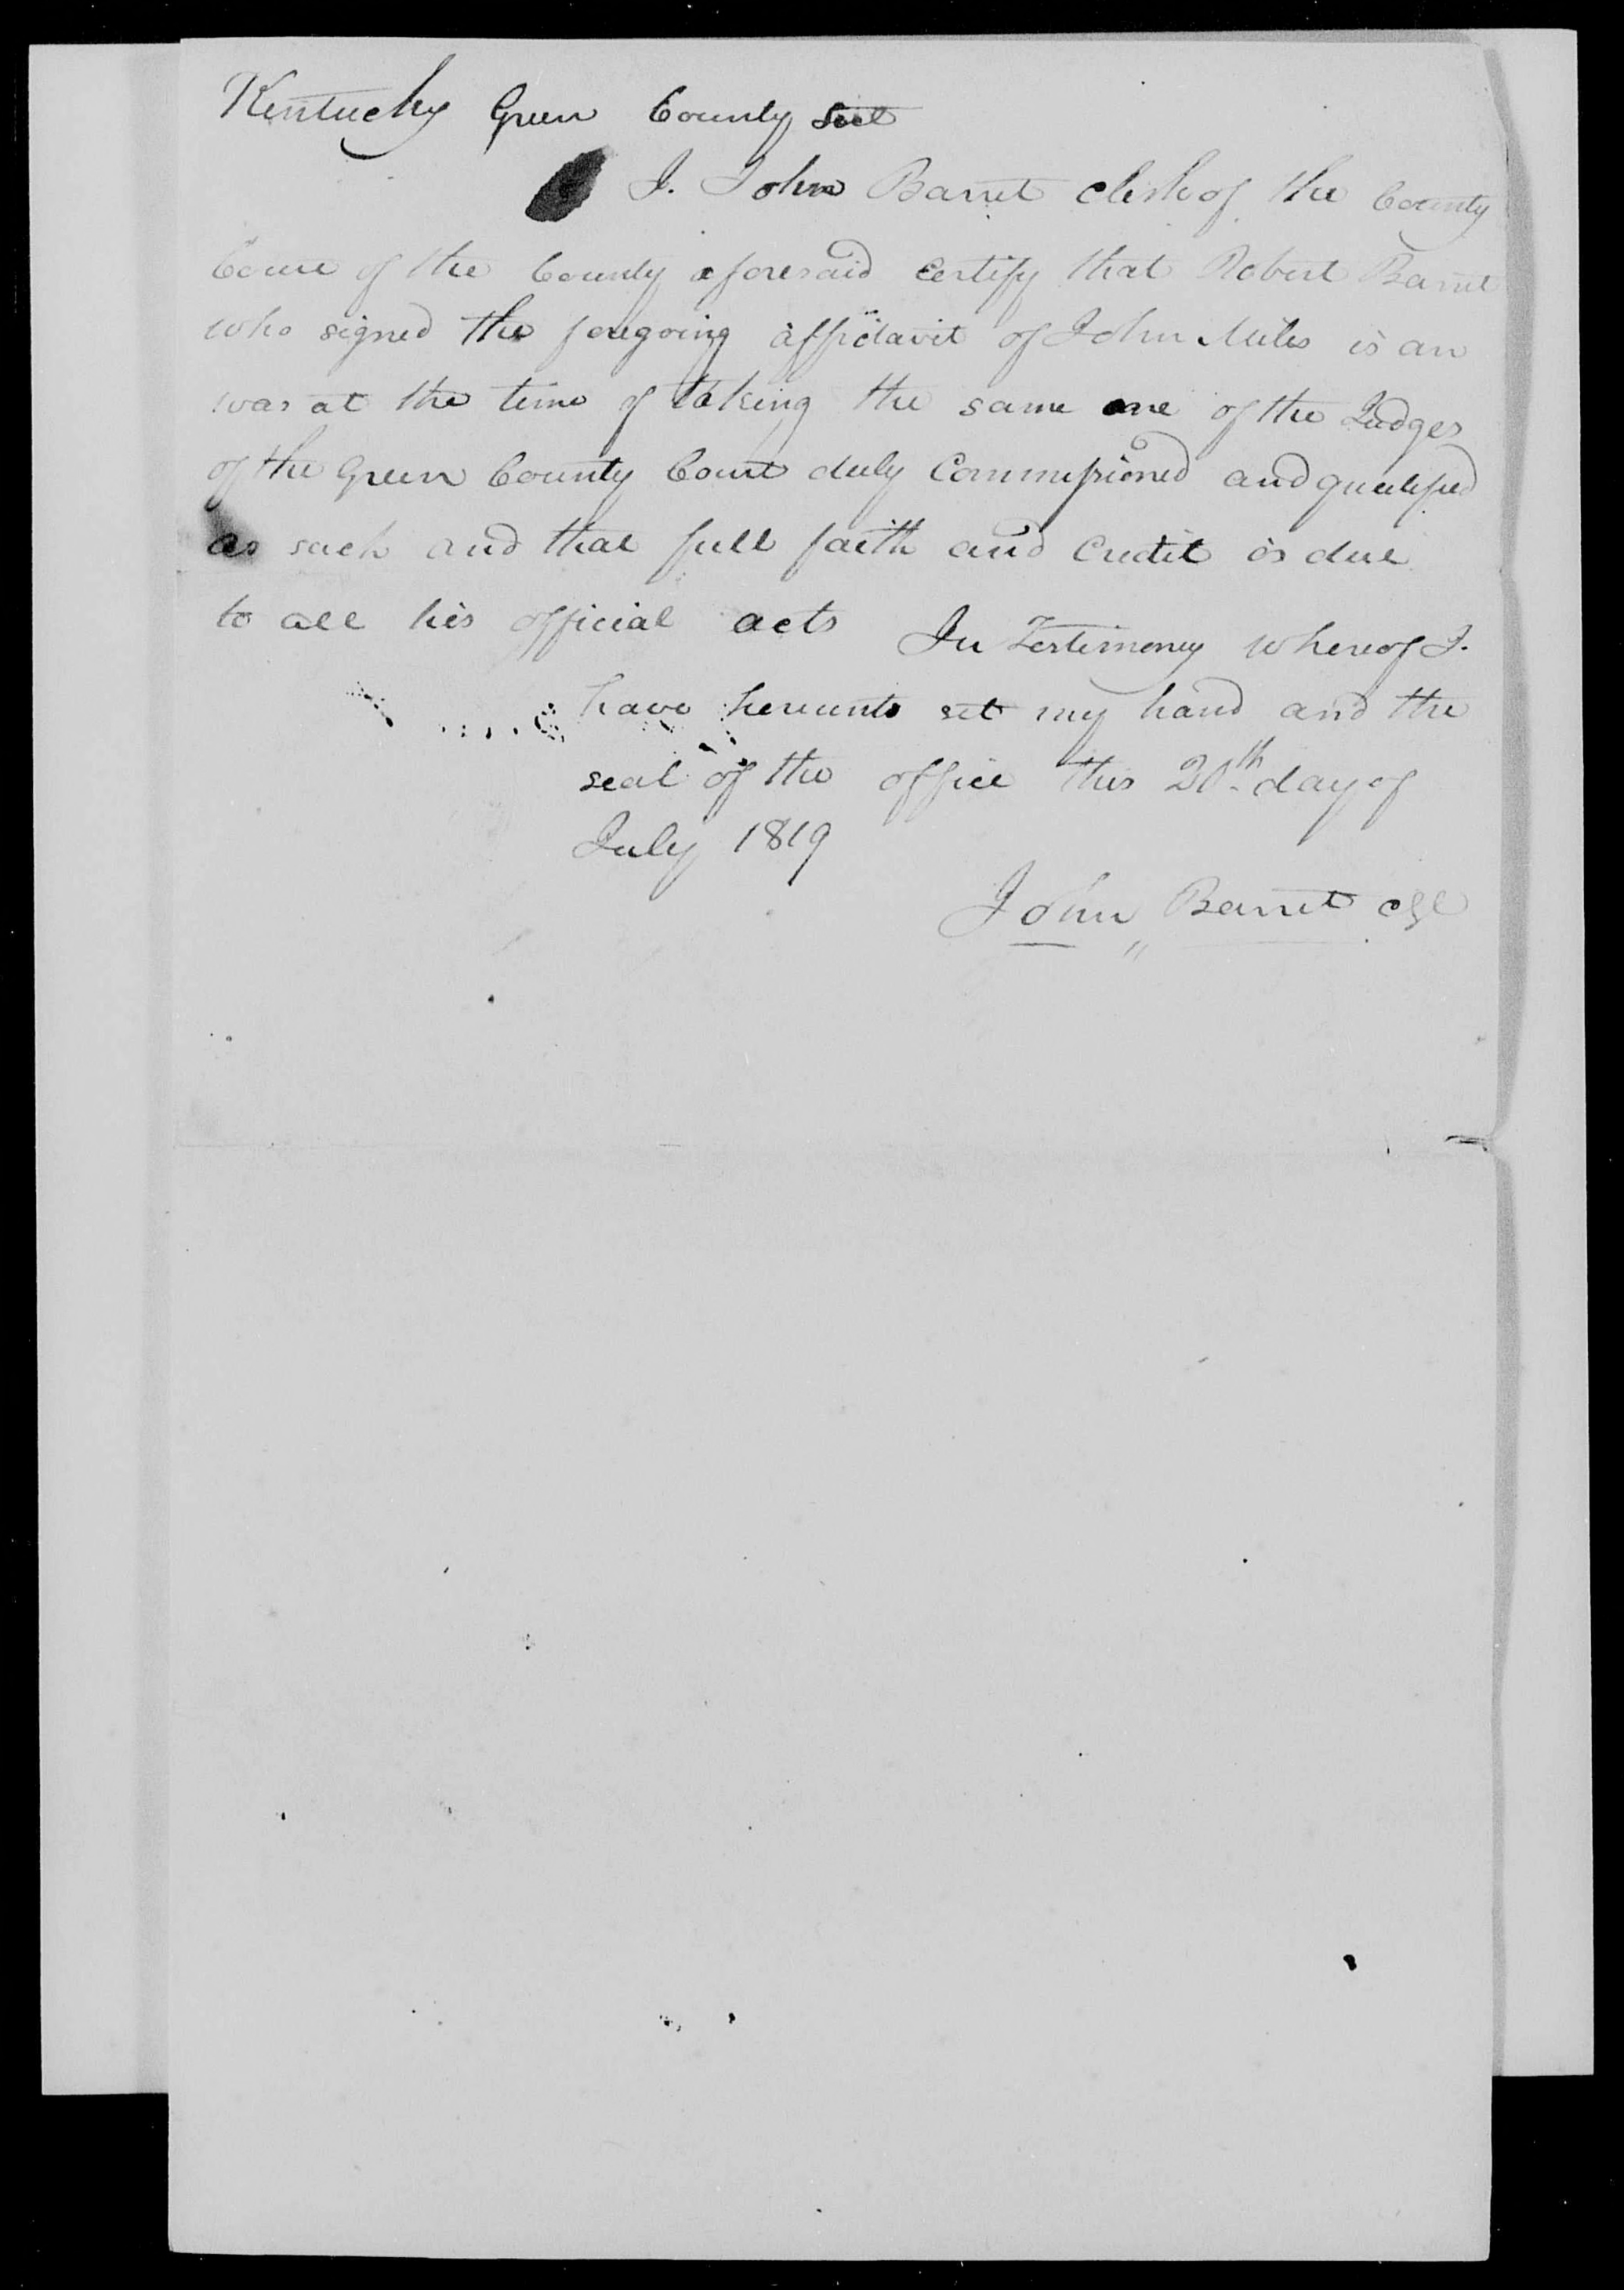Kentucky Green County Seal

I John Barret clerk of the County Court of the County aforesaid certify that Robert Barret who signed the foregoing affidavit of John Miles is an war at the time of taking the same one of the pages of the Green Court dully commissioned and qualified as such and that full faith and credit is due to all his official acts

In testimony whereof I have hereunto set my hand and the seal of the office this 30th day of July 1819.
[signed] John Barret cse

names: Robert Barret; John Barret; John Miles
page: 9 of 24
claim: survivor's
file: S 36138, for John Miles, Maryland